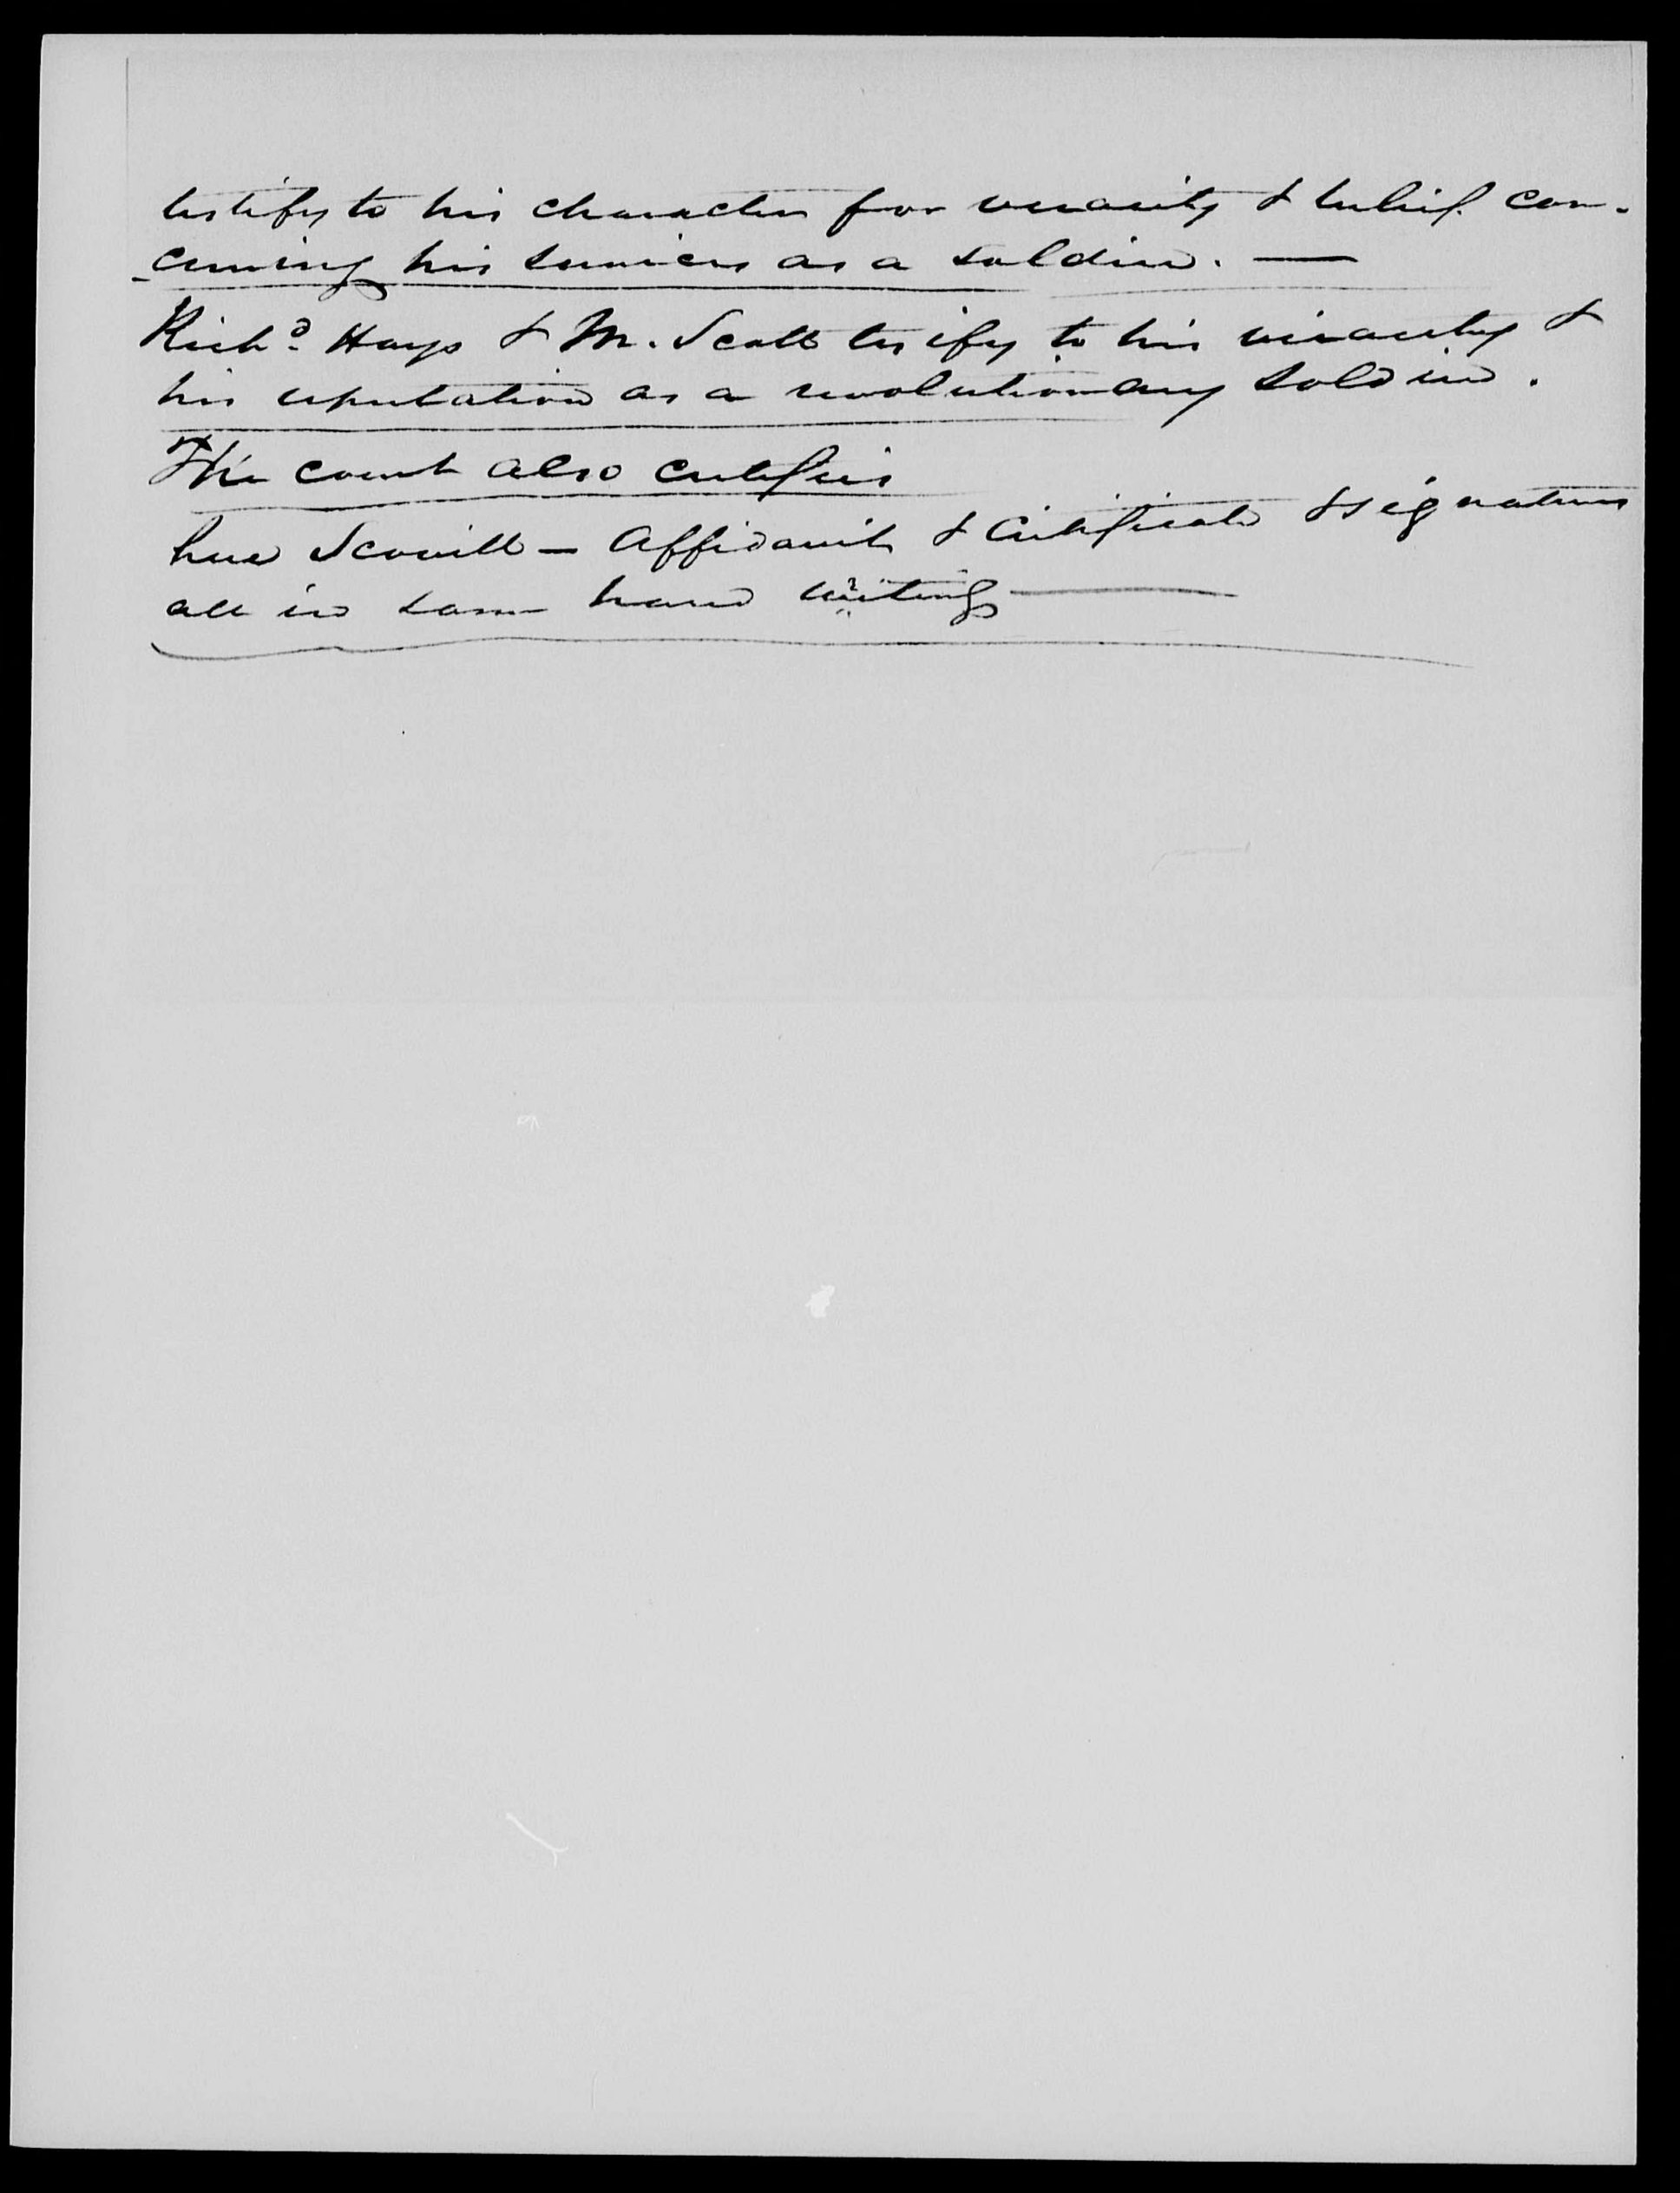testify to his character for veracity & belief con-
cerning his service as a soldier.-
Richd Hays & M. Scott testify to his veracity
his reputation as a revolutionary soldier
The court also certifies
Lue Scovill affidavit & certificate & signatures
all in same hand writing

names: M Scott, Richd Hays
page: 41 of 76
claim: widow's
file: W. 9345, Joseph Bartholomew, Conn.